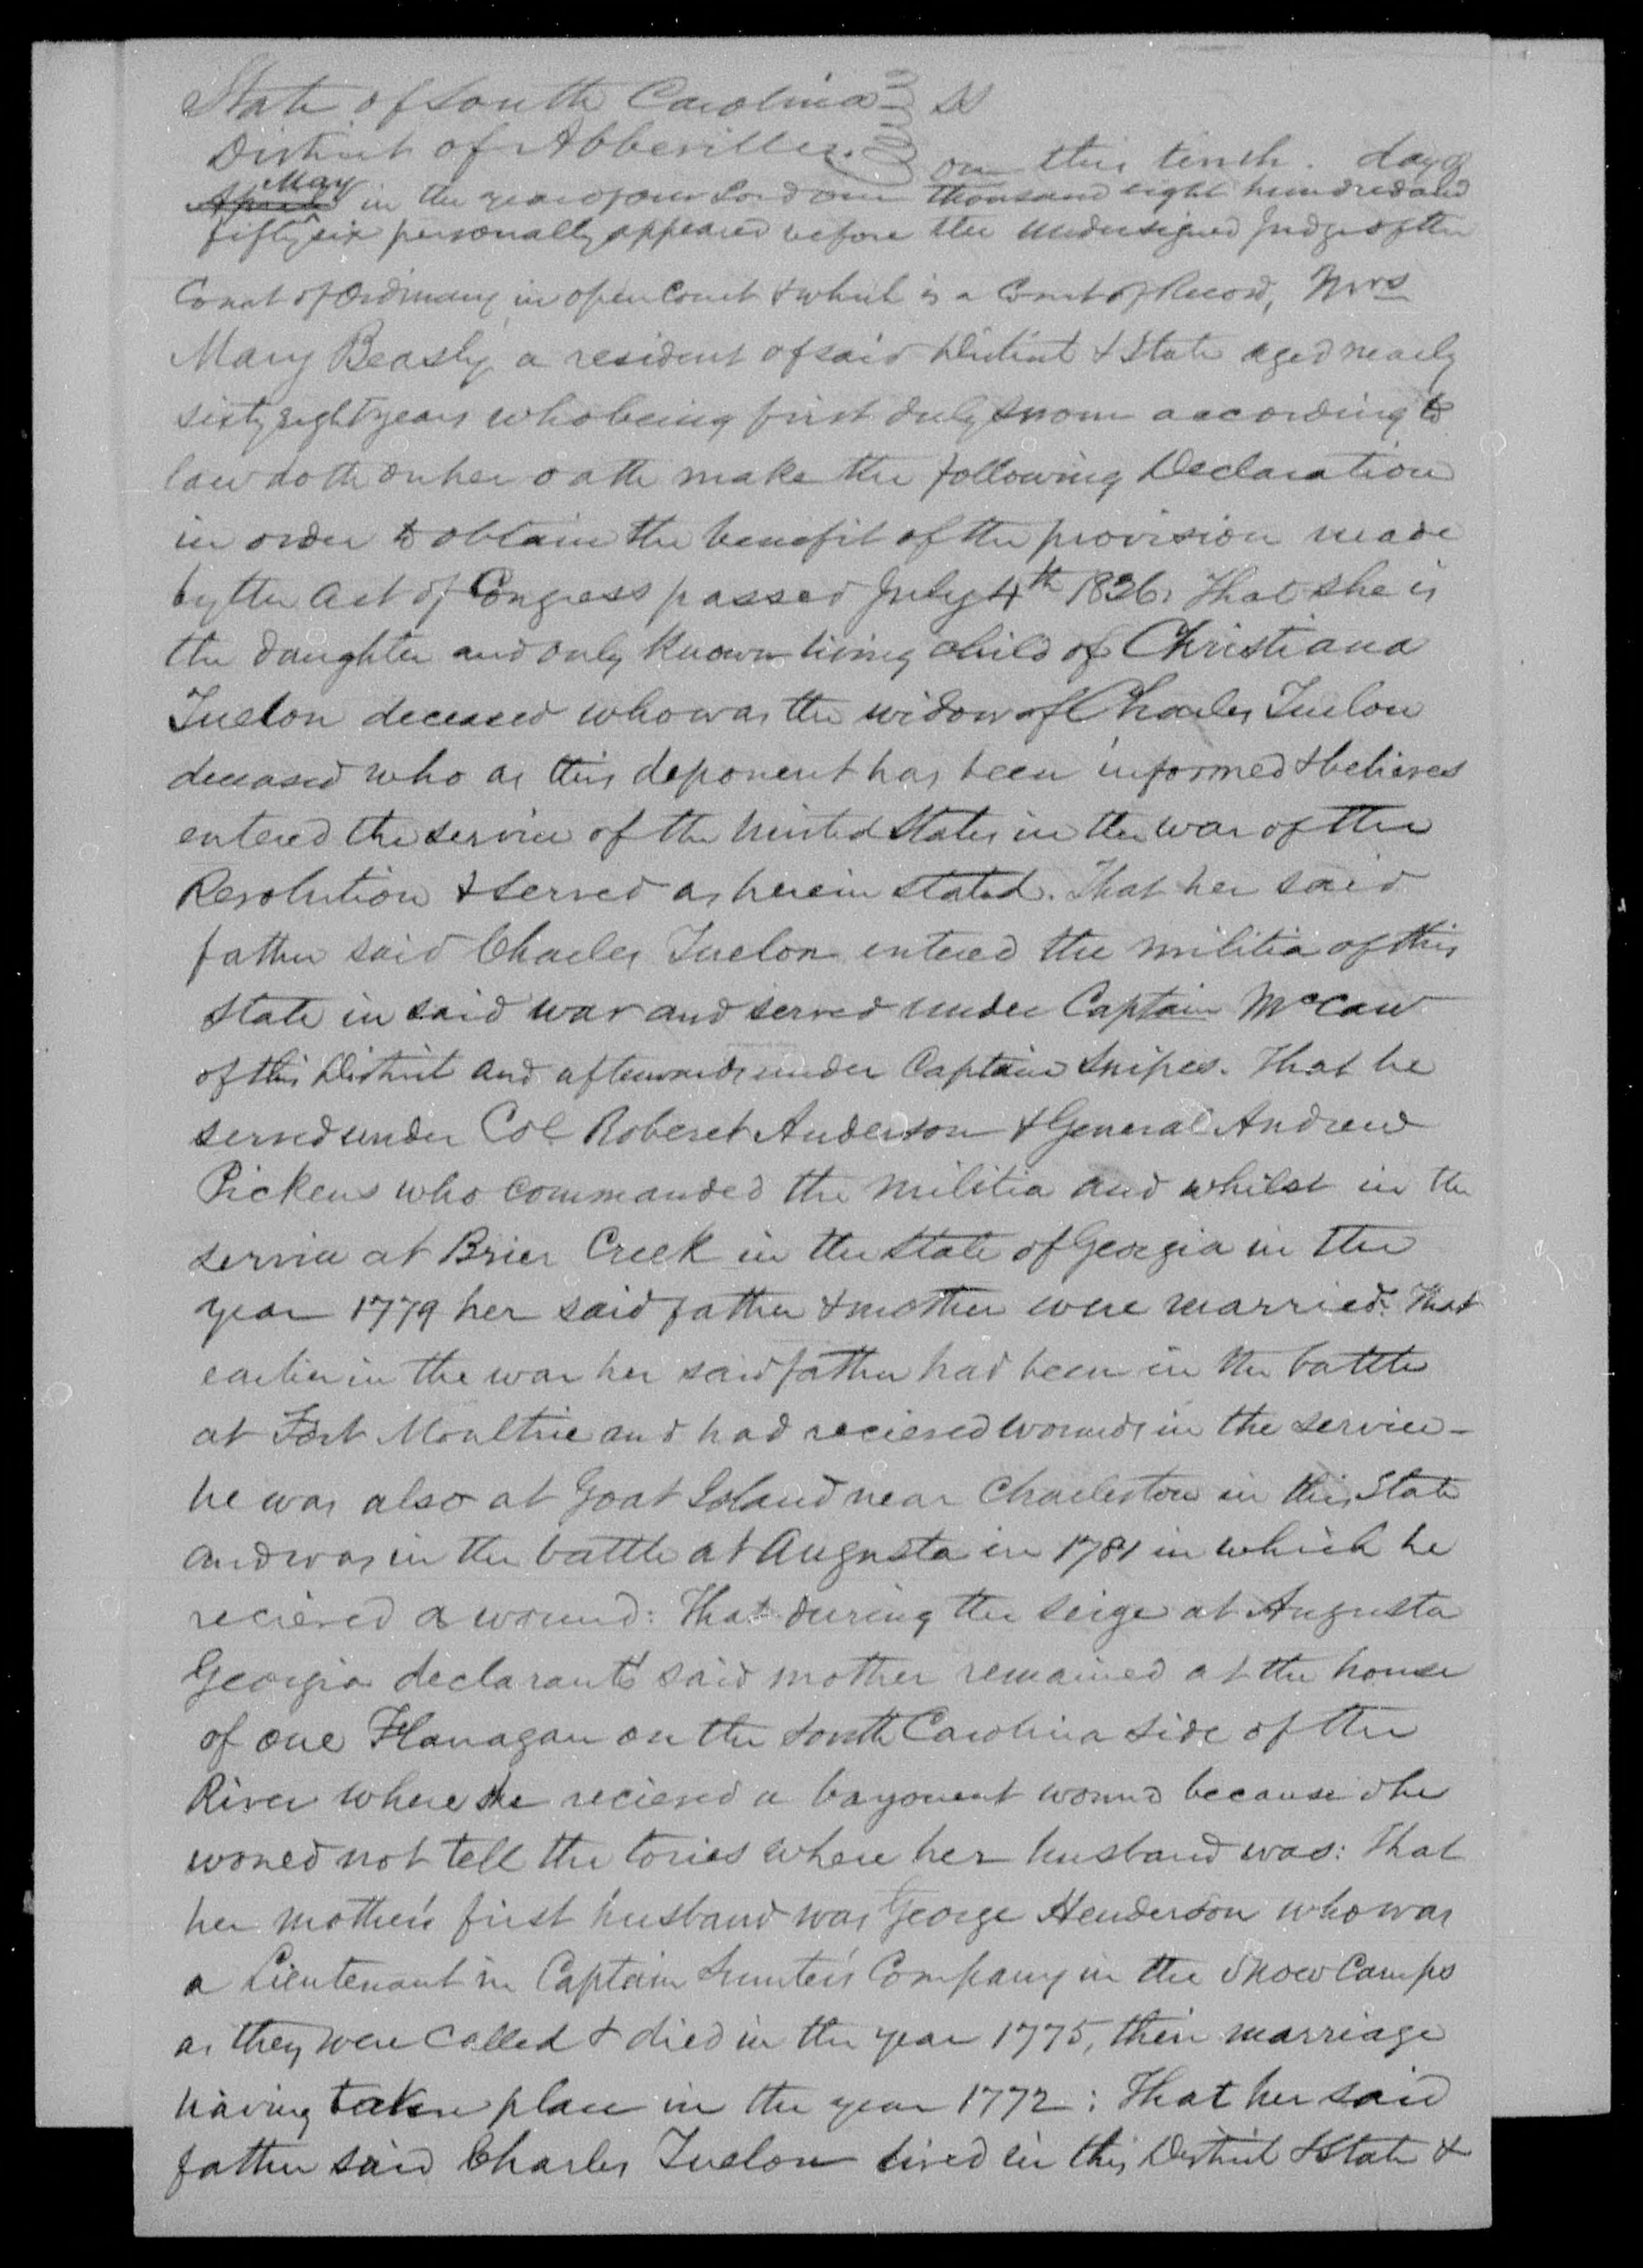State of South Carolina S (curly scribble) District of Abbeville on this tenth day of May in the year of our lord one thousand eight hundred and fifty-six personally appears before the undersigned Judge of the Court of Ordinary in open Court & which is a Court of Record, Mrs. Mary Besly a resident of said district of State aged nearly sixtry-eight years who being first duly knows according to law doth on her oath make the following Declaration in order to obtain the benefit of the provision made by the Act of Congress passed July 4th 1836, that she is the daughter and only known living child of Christiana Teulon deceased who was the widow of Charles Teulon deceased who at this 
( illegible) has been informed & believes entered the service of the United States in the war of the Revolution & served or herein stated. That her said father said Charles Tuelon (sic) entered the militia of this state in said war and served under Captain McCaw of this District and afterward under Captain Snipes. That he served under Col. Robert Anderson & General Andrew Picken who commanded the militia and whilst in the service at Briar Creek in the State of Georgia in the year 1779 her said father & mother were married. That earlier in the war her said father had been in the battle at Fort Moultrie and had recieved (sic) wounds in the service - he was also at Goat Island near Charleston in this State and was int he battle of Augusta in 1781 in which he recieved a wound. That during the siege of Augusta Georgia declarant's said mother remained at the house of one Flanagan on the South Carolina side of the River where she recieved a bayonet wound because she would not the tell the tories where her husband was. That her mother's first husband was George Henderson who was a Lieutenant in Captain Sumter's Company in the Show Camps as they were called & died in the year 1775, their marriage having taken place in the year 1772: That her said father said Charles Tuelon (sic) lived in this District of State &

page: 6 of 19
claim: rejected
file: R. 10474, for Charles Teulon, South Carolina